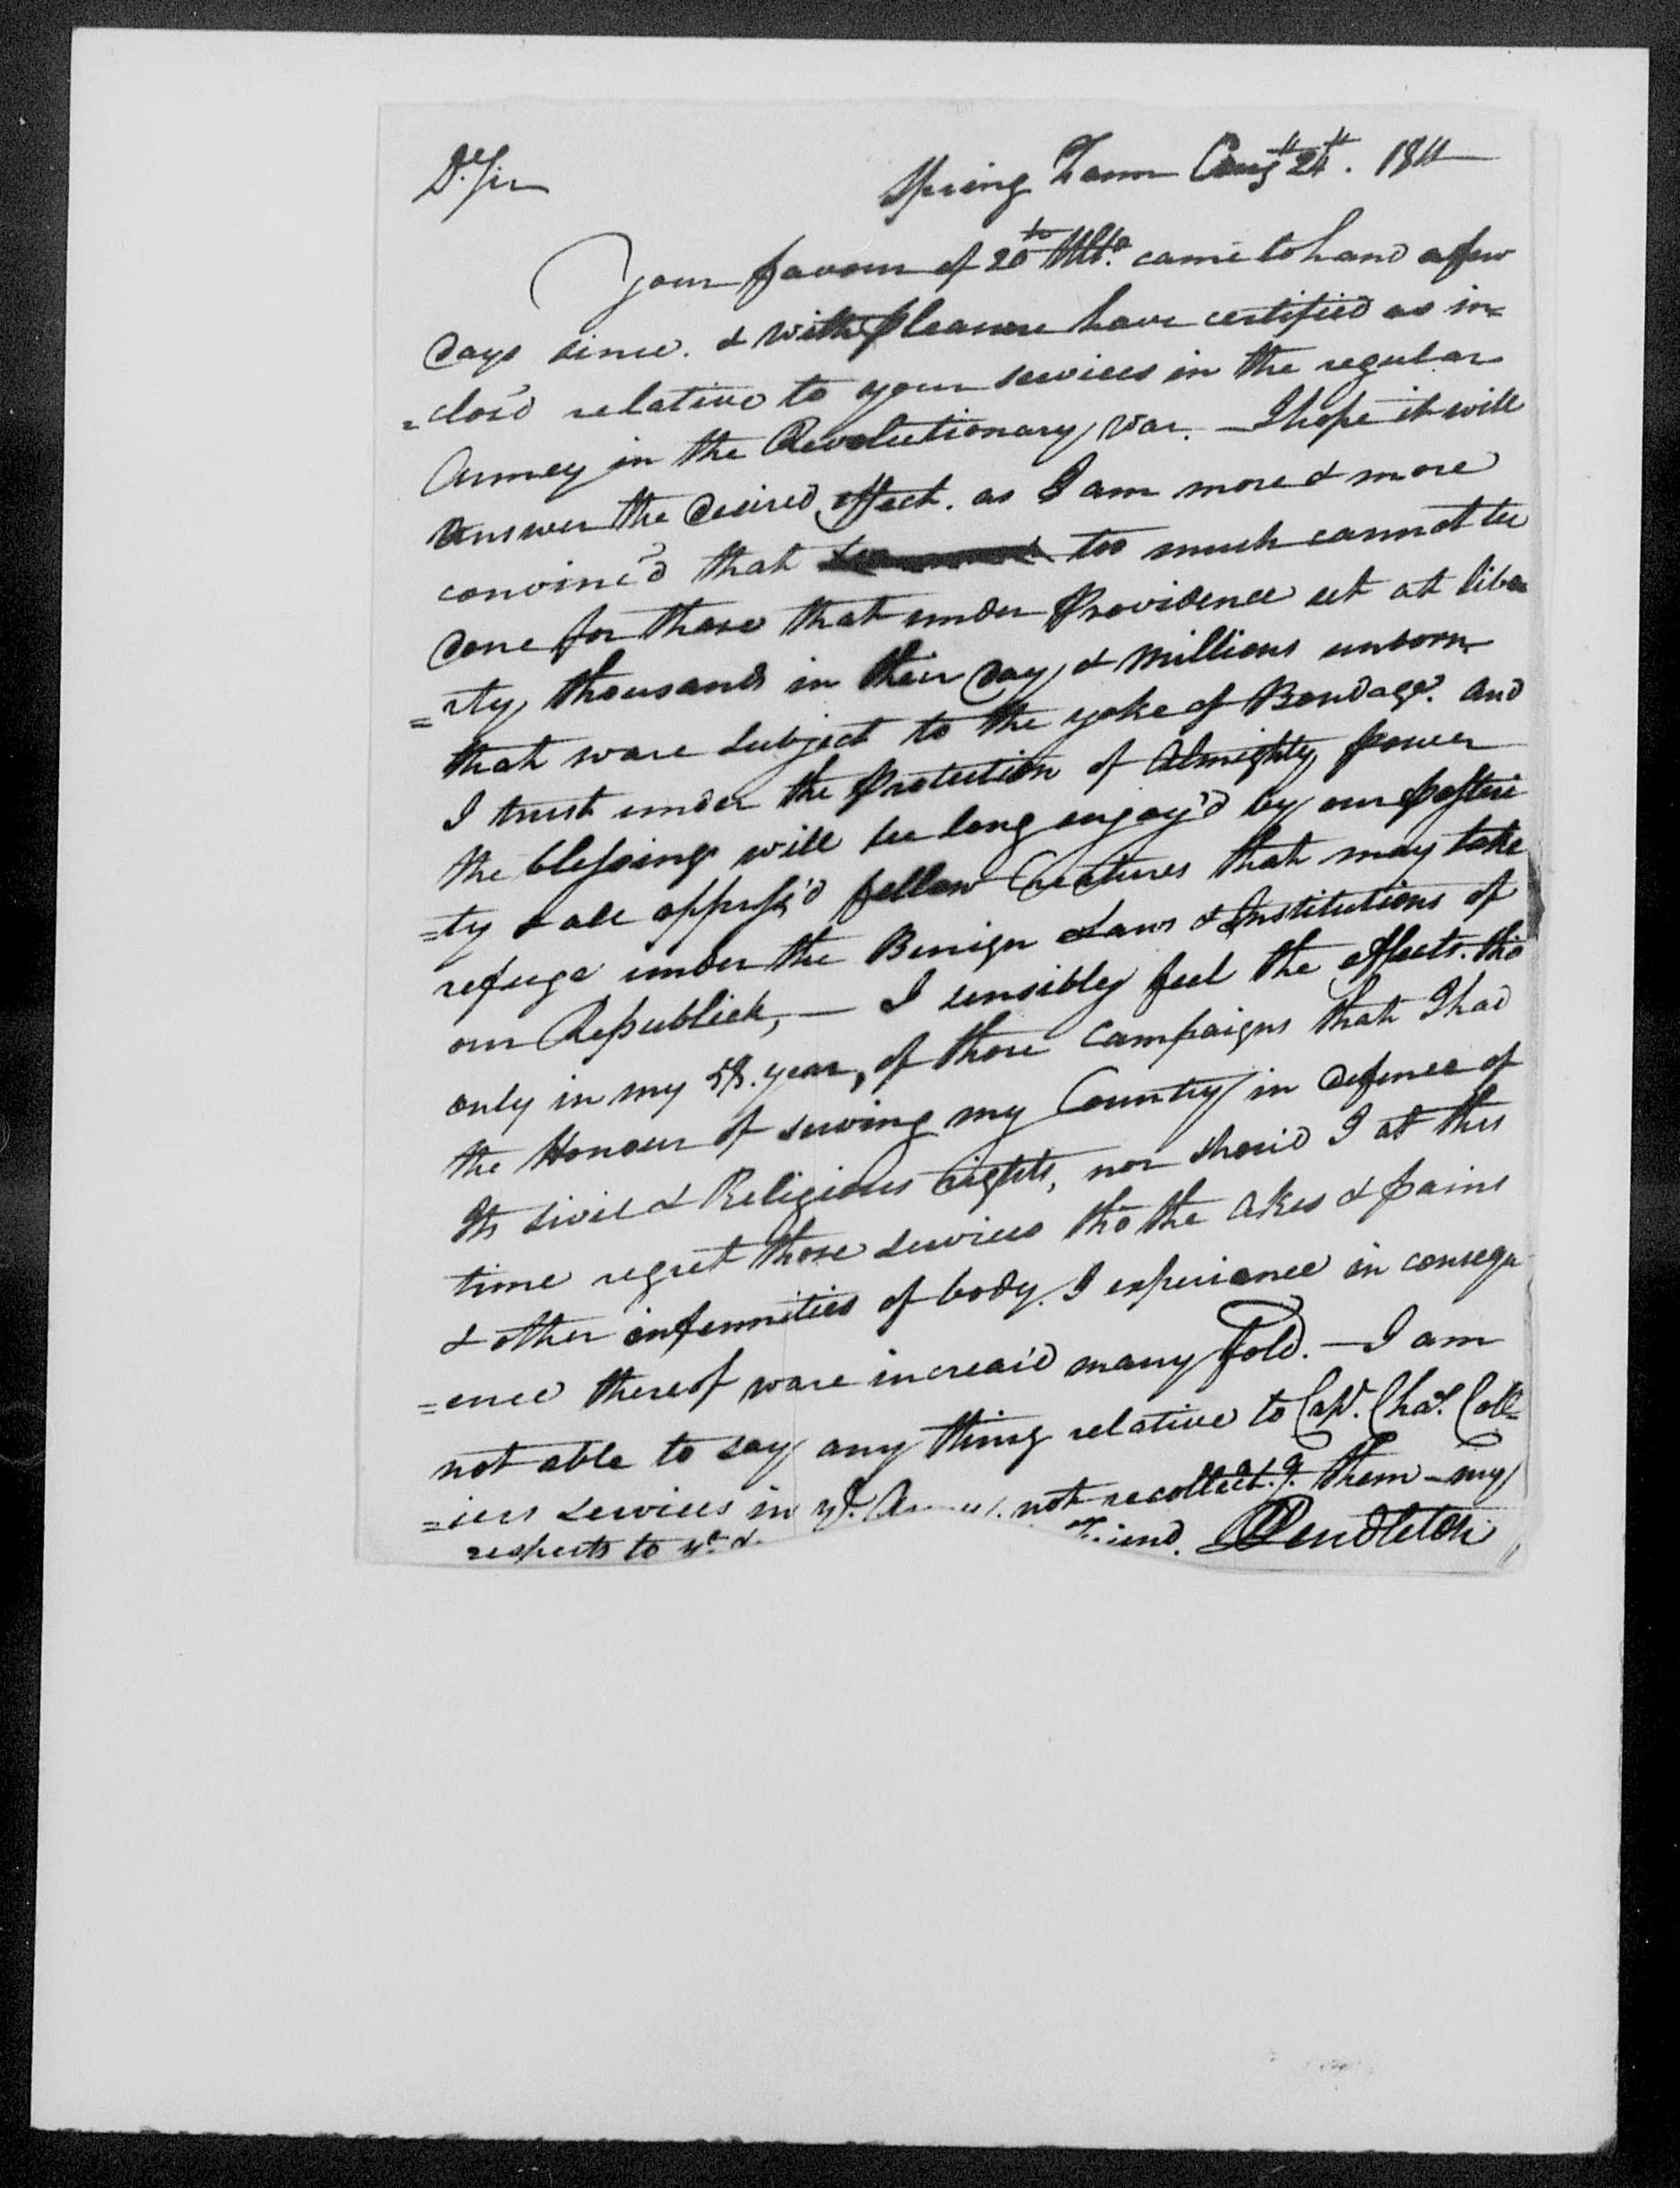Spring Farm Augt 24th. 1811
Dr. Sir
Your favour of 20th last. came to hand af few days since. I with pleasure have certified as inclosed relative to your services sin the regular Army in the Revolutionary War. __ I hope it will answer the desired effect. as I am more +[and] more convinc'd that {crossed out illegible word] too much cannot be done for those that under Providence set at liberty thousands in their day +[and] millions unborn that were Subject to the yoke of Bondage. and I trust under the Protection of Almighty Power the blessings will be long enjoy'd by our posterity +[and] all oppress'd fellow -- Creatures that may take refuge under the Benign Laws +[and] Institutions of our Republick, --- I sensibly feel the effects. tho only in my 58. years, of those campaigns that I had the Honor of serving my Country in defense of Its Sivil +[and] Religious rights, nor shou'd I at this time regret those services tho the akes +[and] pains +[and] other infirmities of body. I experience in consequence thereof ware increas'd many fold. -- I am not able to say anything g relative to Capt. Chas. Collins service in Va. Army, not recollect.g. them - my respects to yr. [unknown number of words lost here ]due to paper damage] Friend. Pendleton.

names: Chas Collins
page: 110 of 267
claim: widow's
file: W. 4,149, William Campbell, Va.